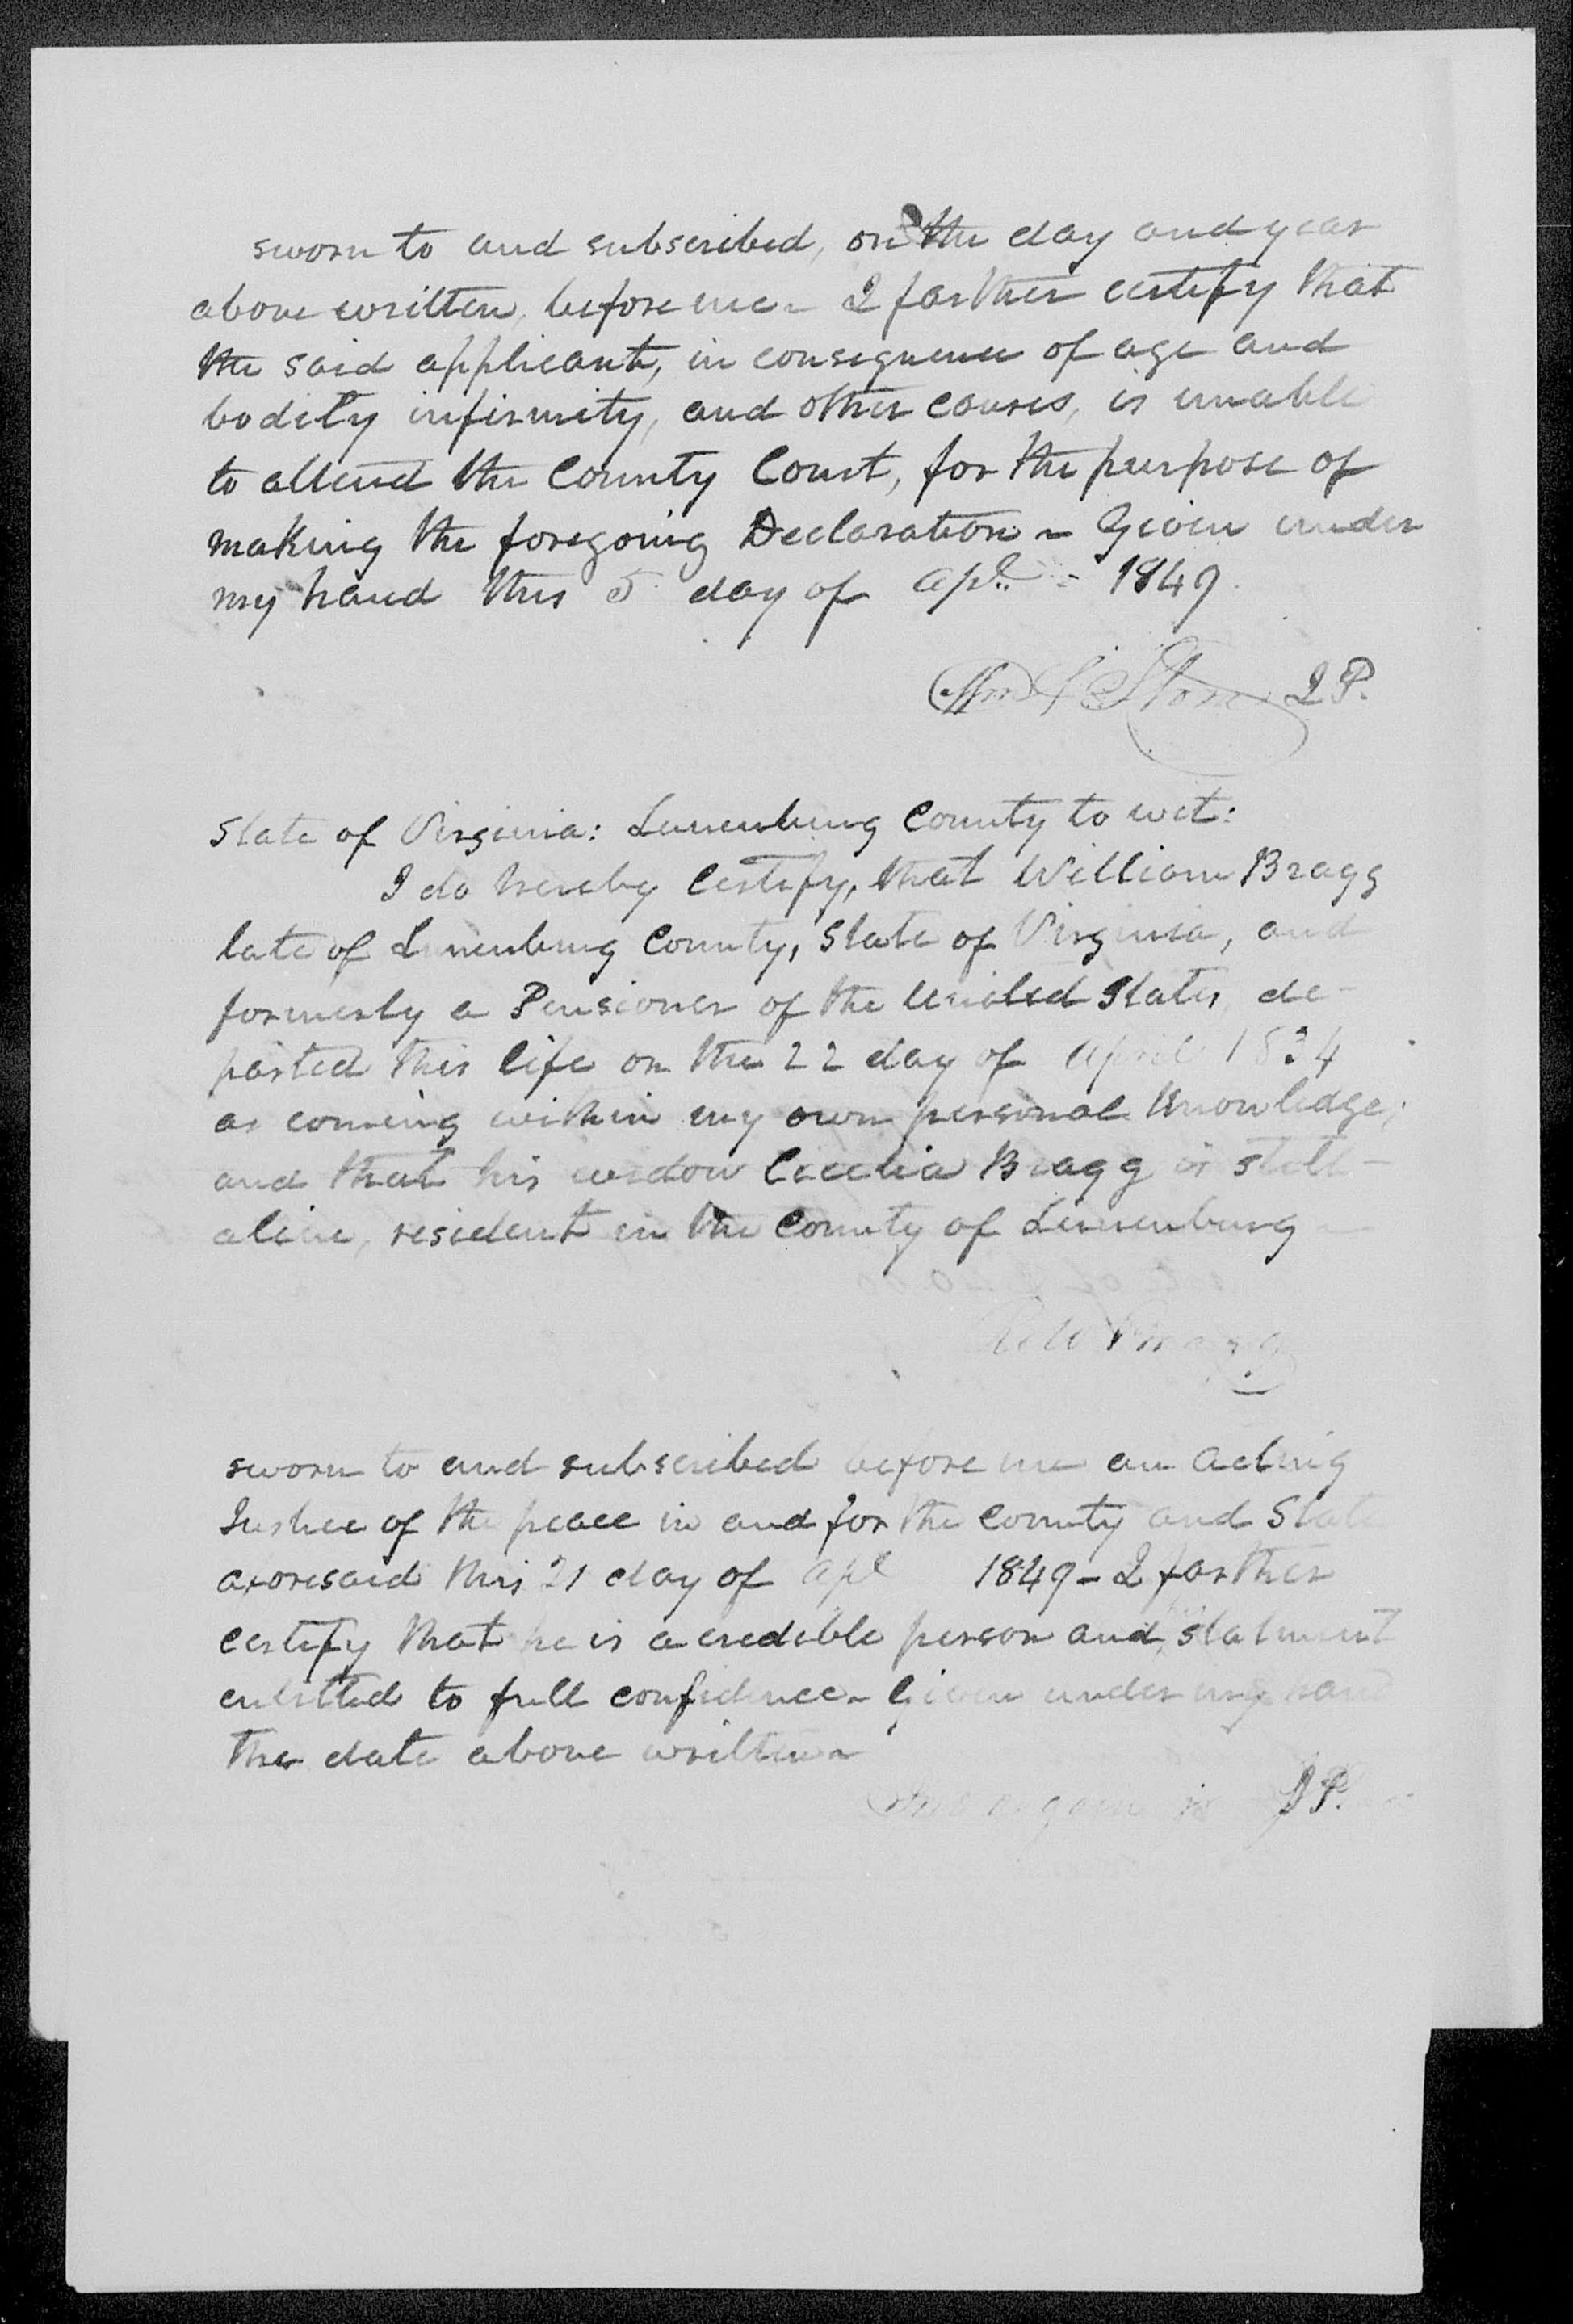Sworn to and subscribed, on the day and year above written before me - I further certify that the said applicant, in consiguence [consequence] of age and bodily infirmity, and other causes, is unable to attend the County Court, for the purpose of making the foregoing declaration - Given under my hand this 5 day of Apr 1849 
Wm. A. Stone J P. 

State of Virginia Lunenburg County to wit: 
I do hereby certify, that William Bragg late of Lunenburg County, State of Virginia, and formerly a pensioner of the United States departed this life on the 22 day of April 1834 as coming within my own personal knowledge; and that his widow Cecelia Bragg is still alive, resident in the County of Lunenburg.
Wm. A. Stone J P. 

Sworn to and subscribed before me an acting Justice of the peace in and for the County and State aforesaid this 21 day of Apl [April] 1849. I further certify that he is a credible person and statement entitled to full confidence. Given under my hand the date above written.
Wm. A. Stone J.P.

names: William Bragg, Wm A Stone, , Cecelia Bragg, William Bragg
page: 11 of 19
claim: widow's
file: W. 2517, William Bragg, Va.